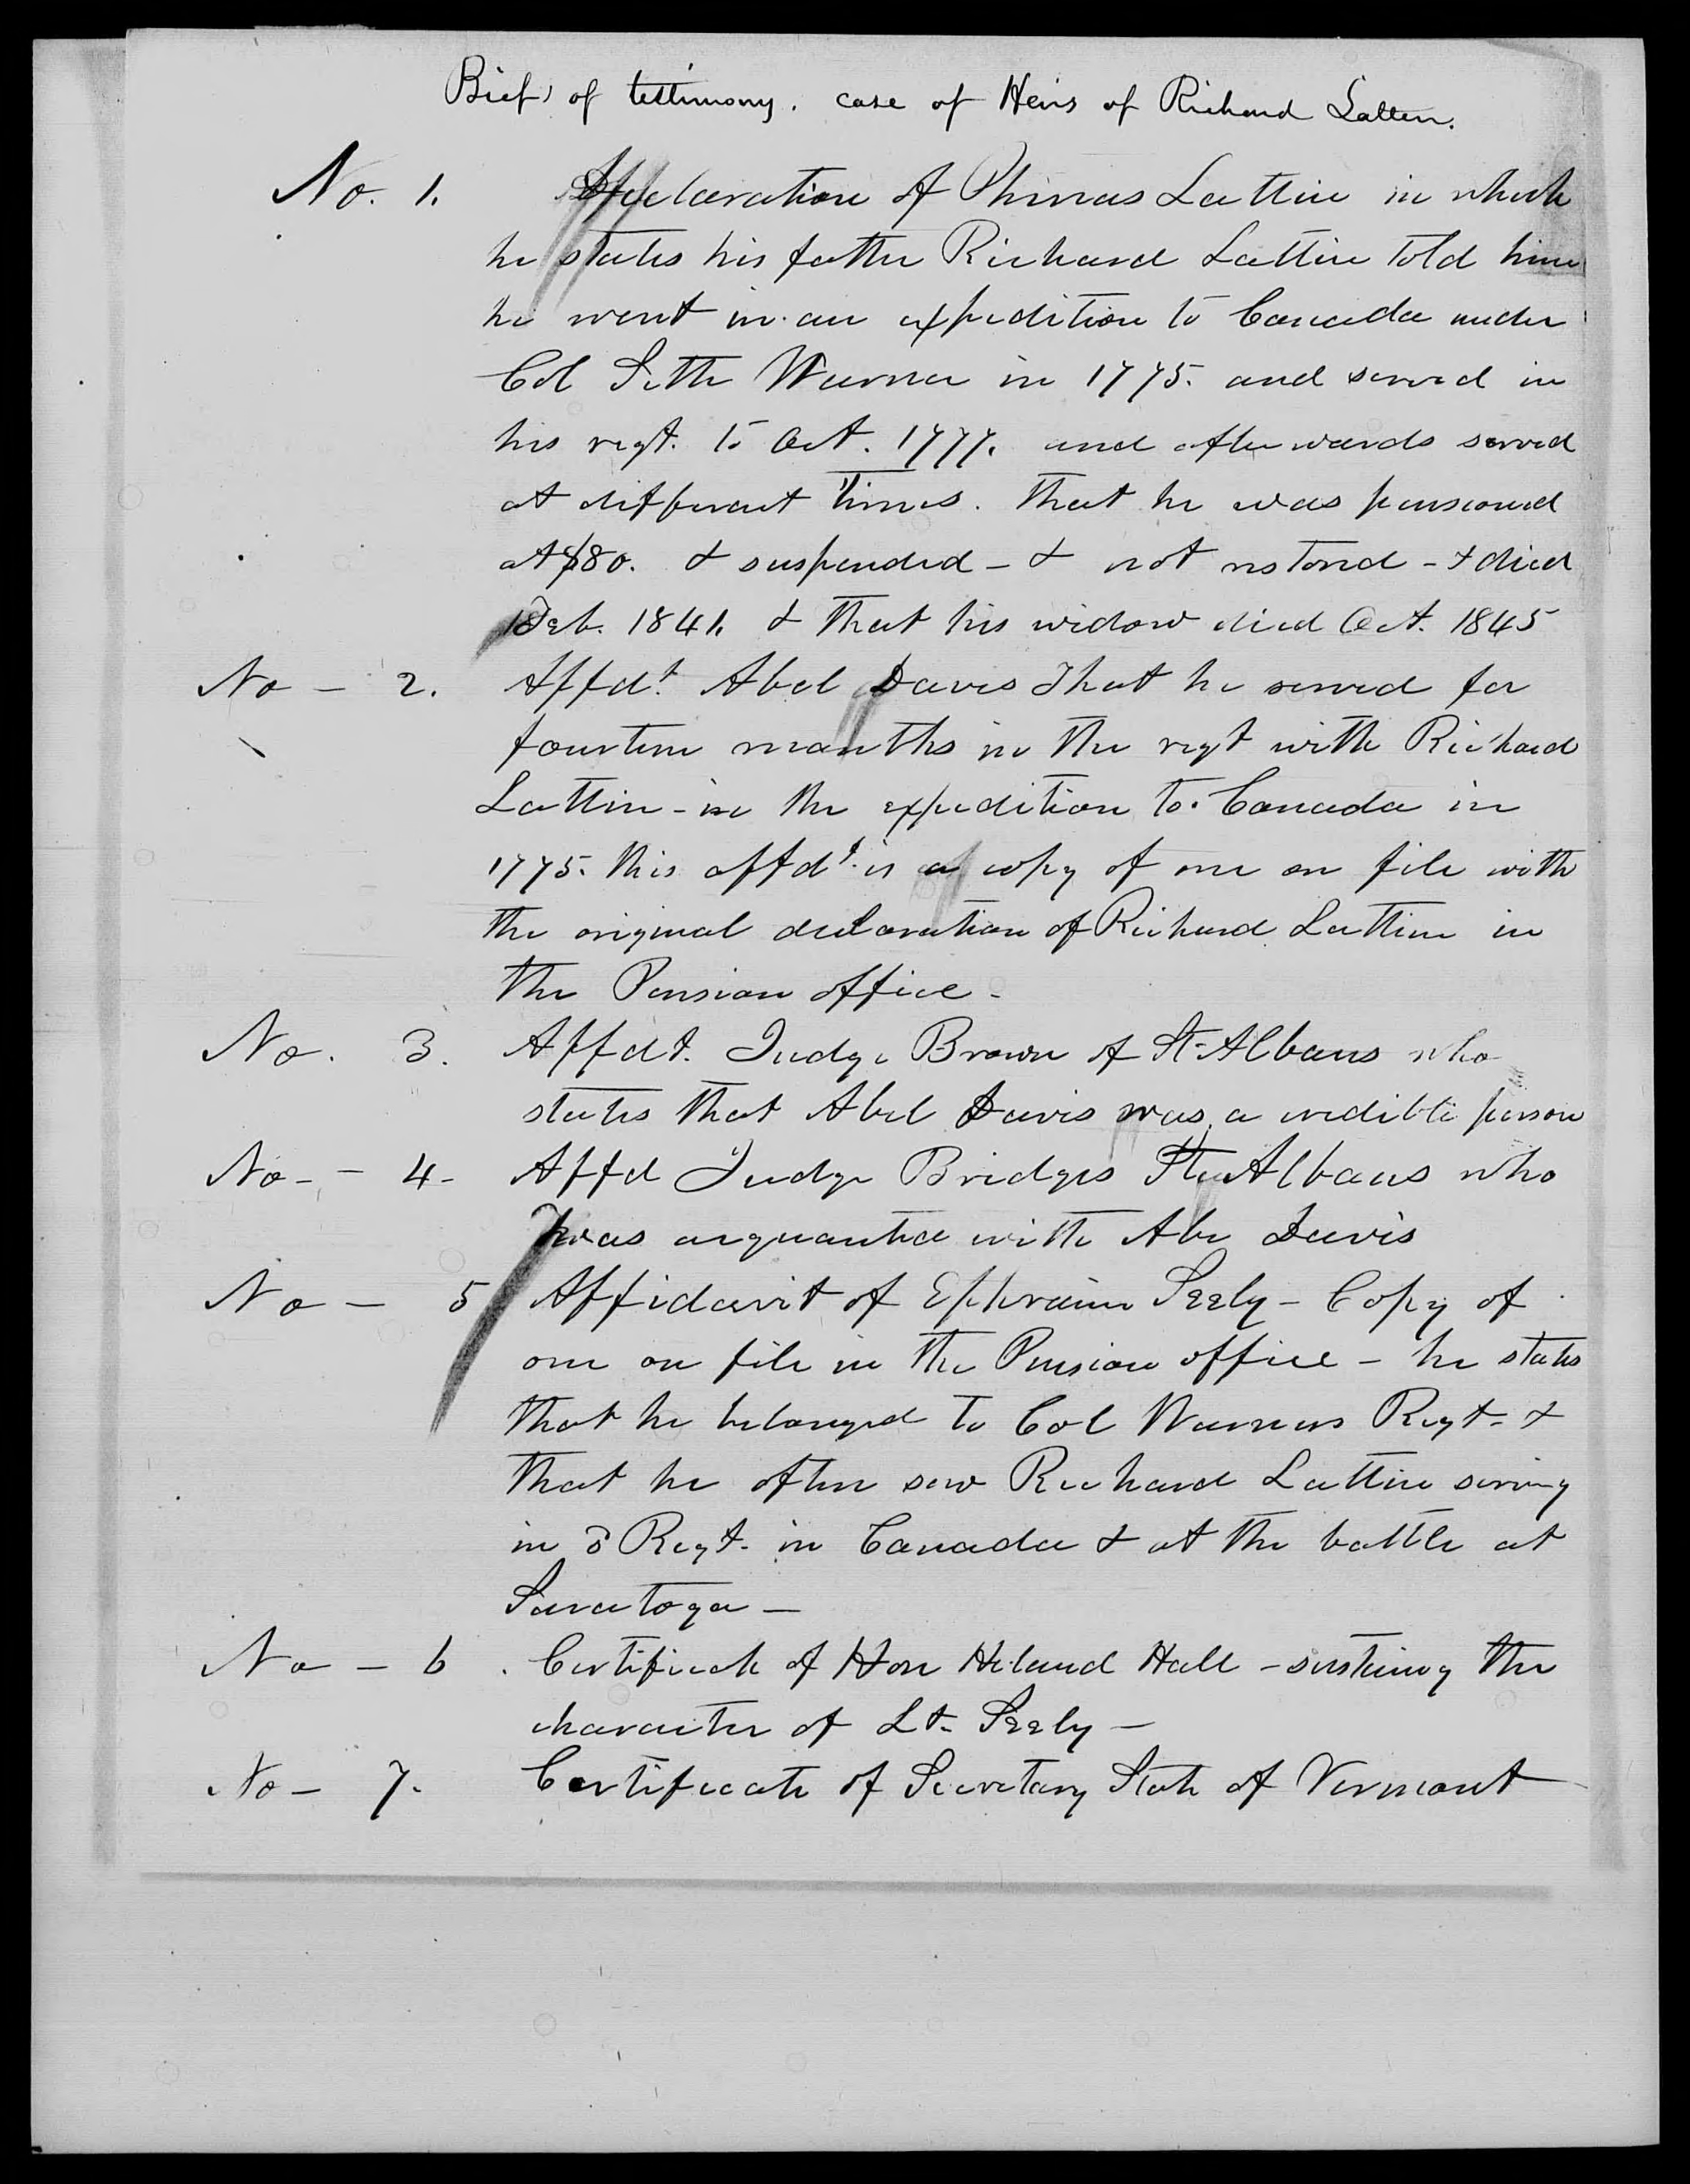Brief of testimony, case of Heirs of Richard Lattin
No. 1. A declaration of Phineas Lattin in which
he states his father Richard Lattin told him
he went in an expedition to Canada under
Col Seth Warner in 1775 and served in
his regt to Oct. 1777, and afterwards served
at different times. That he was pensioned
at $80 & suspended & not restored-- & died
Feb. 1841. & that his widow died Oct. 1845

No. 2. Affd’t Abel Davis That he served for
fourteen months in the regt with Richard
Lattin in the expedition to Canada in
1775. This affd’t is a copy of one on file with
the original declaration of Richard Lattin in
the Pension office.

No. 3. Affd’t Judge Brown of St Albans who
states that Abel Davis was a credible person

No. 4 Affd Judge Bridges St Albans who was
acquainted with Abel Davis

No. 5 Affidavit of Ephraim Seely-- Copy of
one on file in the Pension office - he states
that he belonged to Col Warners Regt. &
that he often saw Richard Lattin serving
in s’d Regt. in Canada & at the battle at
Saratoga -

No. 6 Certificate of Hon Hiland Hall-[sustaining?] the
character of Lt. Seely -

No. 7. Certificate of Secretary State of Vermont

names: [BLANK] Bridges; Ephraim Seely; Seth Warner; Phinas Lattin; [BLANK] Brown; Richard Lattin; Hiland Hall; Abel Davis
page: 56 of 99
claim: widow's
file: W. 24,482, for Richard Lattin, Vermont